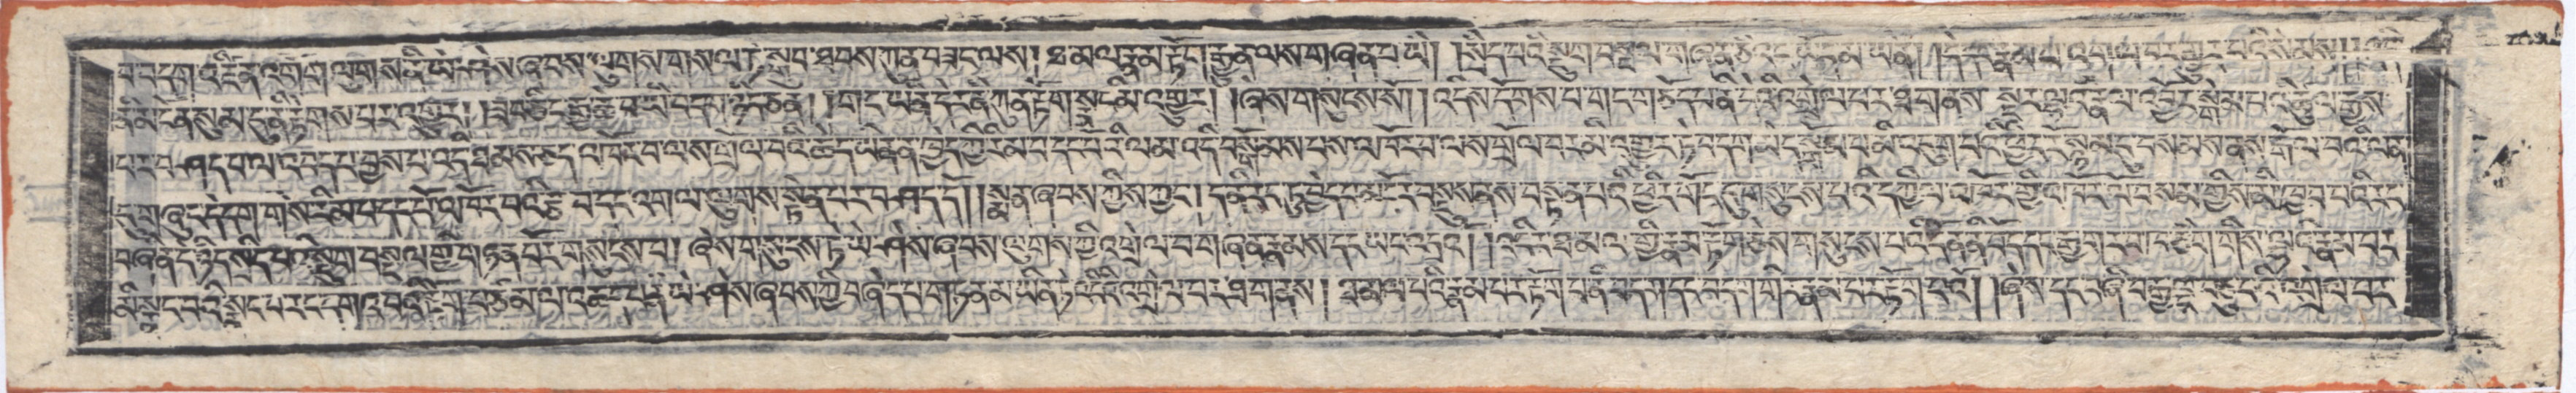བ་བདག་འཛིན་འགོག་ལུགས་ནི་ཡེ་ཤེས་ཞབས་ལུགས་གསལ་ཏེ་སྒྲུབ་ཐབས་ཀུན་བཟང་ལས། ཐ་མལ་རྣམ་རྟོག་རྒྱུན་ལས་གཞན་པ་ཡི། །སྲིད་པའི་སྡུག་བསྔལ་གཞན་ཅིའང་ཡོད་མ་ཡིན། །དེ་དང་རྣམ་པ་འགལ་བར་གྱུར་པའི་སེམས། །འདི་
ནི་མངོན་སུམ་དུ་ནི་རྟོགས་པར་འགྱུར། །ཟབ་ཅིང་རྒྱ་ཆེ་བ་ཡི་བདག་ཉིད་ཅན། །གང་ཡིན་དེར་ནི་ཀུན་རྟོག་སྣང་མི་འགྱུར། །ཞེས་གསུངས་སོ། །འདིས་དོགས་པ་གང་གཅོད་པ་ནི་དེའི་འགྲེལ་པར་ཐ་ག་ནས་སྔར་ལྷའི་རྣལ་འབྱོར་སྒོམ་པའི་ཚུལ་རྒྱས་
པར་བཤད་པ་ལ་འབད་པ་བྱས་པ་འདི་ཐམས་ཅད་འཁོར་བ་ལས་གྲོལ་བའི་ཆེད་ཡིན་ན་ཁྱེད་ཀྱི་རིམ་པ་དང་པོའི་ལམ་འདི་བསྒོམས་པས་འཁོར་བ་ལས་གྲོལ་བར་མི་འགྱུར་ཏེ་བདག་མེད་སྒོམ་པ་མི་འདུག་པའི་ཕྱིར་རོ་སྙམ་དུ་བསམས་ནས་རྒོལ་བའི་ལན་
དུ་གཞུང་དེ་དག་གིས་རིམ་པ་དང་པོ་འཁོར་བའི་རྩ་བ་དང་འགལ་ལུགས་སྟོན་པར་བཤད་དོ། །སྨན་ཞབས་ཀྱིས་ཀྱང་། དེ་ནི་རབ་ཏུ་བྱེད་བ་མདོར་བསྡུས་ནས་བསྟན་པའི་ཕྱིར་གོང་དུ་གསུངས་པའི་དཀྱིལ་འཁོར་གྱི་འཁོར་ལོ་བསམ་གྱིས་མི་ཁྱབ་པའི་རང་
བཞིན་དེ་ཉིད་སྲིད་པའི་སྡུག་བསྔལ་གྱི་གཉེན་པོར་གསུངས་པ། ཞེས་གསུངས་ཏེ་ཡེ་ཤེས་ཞབས་ལུགས་ཀྱི་འགྲེལ་པ་གཞན་རྣམས་དང་ཡང་འདྲའོ། །འདིར་ཐ་མལ་གྱི་རྣམ་རྟོག་ཅེས་གསུངས་པའི་དོན་ནི་བོད་དང་རྒྱ་གར་བ་ཁ་ཅིག་གིས་ལྷའི་རྣམ་པར་
མི་སྣང་བའི་སྣང་བ་རང་དགའ་བའི་རྟོག་པ་ཙམ་ལ་འཆད་པ་ནི་ཡེ་ཤེས་ཞབས་ཀྱི་བཞེད་པ་གཏན་མ་ཡིན་ཏེ་འདིའི་འགྲེལ་བར་ཐག་ནས། ཐ་མལ་པའི་རྣམ་པར་རྟོག་པ་ནི་བདག་དང་བདག་གིར་རྣམ་པར་རྟོག་པའོ། །ཞེས་དང་བཞི་བརྒྱ་ལྔ་བཅུ་པའི་འགྲེལ་པར་